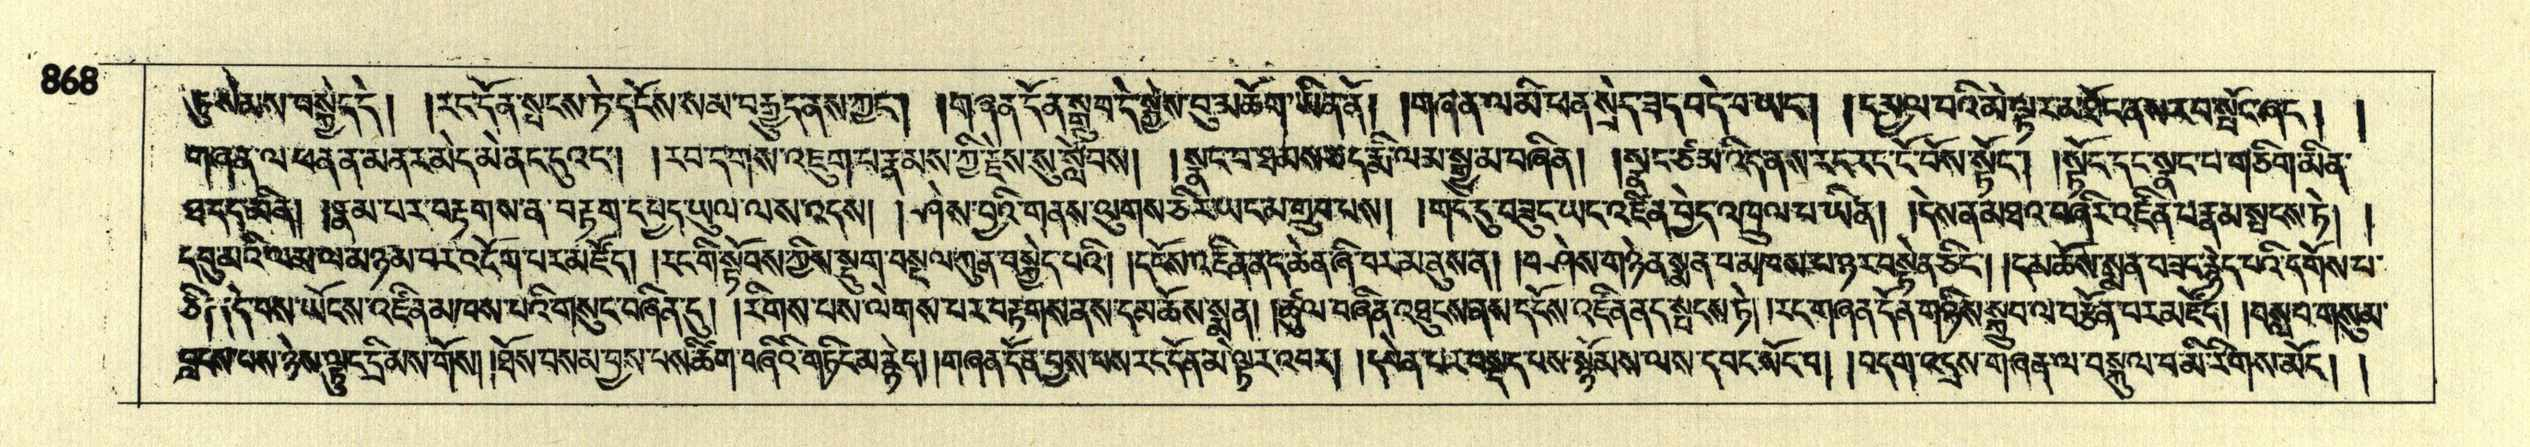ཏུ་སེམས་བསྐྱེད་དེ། །རང་དོན་སྤངས་ཏེ་དངོས་སམ་བརྒྱུད་ནས་ཀྱང་། །གཞན་དོན་སྒྲུབ་དེ་སྐྱེས་བུ་མཆོག་ཡིན་ནོ། །གཞན་ལ་མི་ཕན་སྲེད་ཟད་བདེ་བ་ཡང་། །དམྱལ་བའི་མེ་ལྟར་མཐོང་ནས་རབ་སྤོང་ཞང་། །
གཞན་ལ་ཕན་ན་མནར་མེད་མེ་ནང་དུའང་། །རབ་དགས་འཇུག་པ་རྣམས་ཀྱི་རྗེས་སུ་སློབས། །སྣང་བ་ཐམས་ཅད་རྨི་ལམ་སྒྱུ་མ་བཞིན། །སྣང་ཙམ་འདི་ནས་རང་རང་ངོ་བོས་སྟོང་། །སྟོང་དང་སྣང་བ་གཅིག་མིན་
ཐ་དད་མིན། །རྣམ་པར་བརྟགས་ན་བརྟག་དཔྱད་ཡུལ་ལས་འདས། །ཤེས་བྱའི་གནས་ལུགས་ཅིར་ཡང་མ་གྲུབ་པས། །གང་དུ་བཟུང་ཡང་འཛིན་བྱེད་འཁྲུལ་པ་ཡིན། །དེས་ན་མཐའ་བཞིར་འཛིན་པ་རྣམ་སྤངས་ཏེ། །
དབུ་མའི་ལམ་ལ་མཉམ་པར་འདོག་པར་མཛོད། །རང་གི་སྟོབས་ཀྱིས་སྡུག་བསྔལ་ཀུན་བསྐྱེད་པའི། །དངོས་འཛིན་ནད་ཆེན་ཞི་བར་མ་ནུས་ན། །བཤེས་གཉེན་སྨན་པ་མཁས་པ་ཉར་བསྟེན་ཅིང་། །དམ་ཆོས་སྨན་བཟང་རྙེད་པའི་དགོས་པ་
ཅི༑ ༑དེ་བས་ཡོངས་འཛིན་མཁས་པའི་གསུང་བཞིན་དུ། །རིགས་པས་ལེགས་པར་བརྟགས་ནས་དམ་ཆོས་སྨན། །ཚུལ་བཞིན་འཐུངས་ནས་དངོས་འཛིན་ནད་སྤངས་ཏེ། །རང་གཞན་དོན་གཉིས་སྒྲུབ་ལ་བརྩོན་པར་མཛོད། །བསླབ་གསུམ་
བླངས་པས་ཉེས་ལྟུང་དྲི་མས་གོས། །ཐོས་བསམ་བྱས་པས་ཚིག་བཞིའི་གཏིང་མ་རྙེད། །གཞན་དོན་བྱས་པས་རང་དོན་མེ་ལྟར་འབར། །དབེན་པར་བསྡད་པས་སྙོམས་ལས་དབང་སོང་བ། །བདག་འདྲས་གཞན་ལ་བསྐུལ་བ་མི་རིགས་མོང་། །